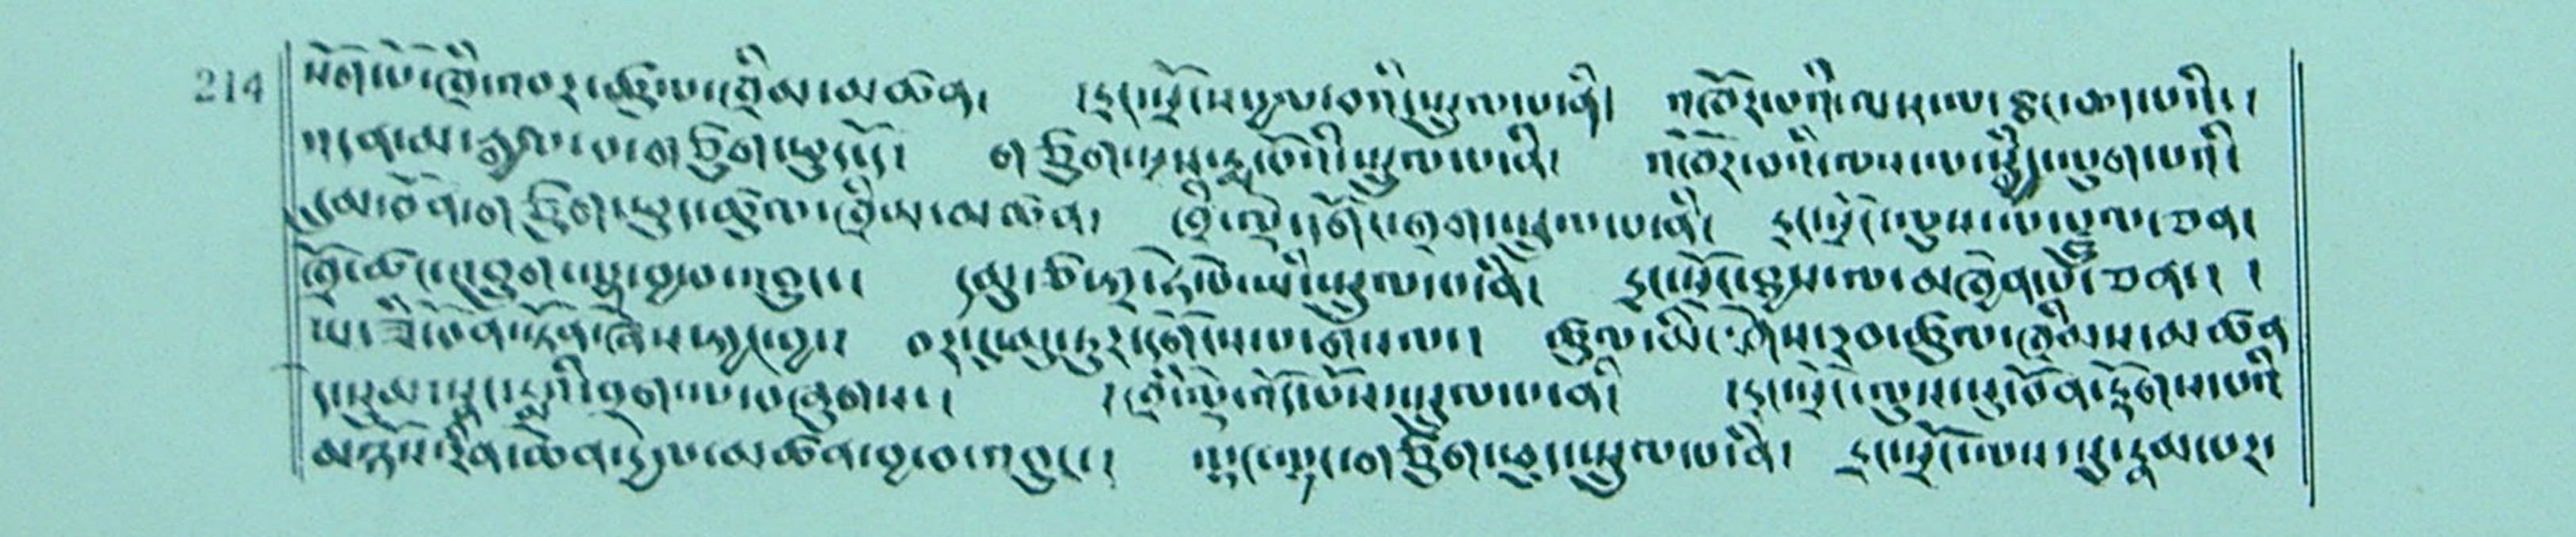སོག་པོ་ཁྲི་འབར་ཚུལ་ཁྲིམས་མཚན། དྲང་སྲོང་རྒྱལ་བའི་སྤྲུལ་པ་ནི། འཁོར་བའི་ལས་ལ་ཐང་ཆད་པའི། 
འདན་མ་རྒྱལ་བ་གཙུག་ཕུད་དོ། །གཙུག་སྲས་རྨ་བོའི་སྤྲུལ་པ་ནི། འཁོར་བའི་ལས་ལ་སྒྱིད་ལུག་པའི།
 དྲུམ་བོན་གཙུག་ཕུད་ཚུལ་ཁྲིམས་མཚན། ཁྲི་ལྡེ་གོང་གྲགས་སྤྲུལ་པ་ནི། དྲང་སྲོང་ལུས་ལ་རྫུ་འཕྲུལ་ཅན།
 ཁྲོ་ཚང་འབྲུག་ལྷ་བྱ་བ་འབྱུང་། དམུ་ཙ་ཀྲ་ཧེ་པེ་ཡི་སྤྲུལ་པ་ནི། དྲང་སྲོང་ཐྱགས་ལ་མཁྱེན་པ་ཅན། 
ཡ་ཟི་བོན་སྟོན་ཞེས་ཀྱང་བྱ། བར་དུ་མུ་ཏུར་དགོངས་པ་གསལ། ཚུལ་མིང་ཤེས་རབ་ཚུལ་ཁྲིམས་མཚན།
 དེ་སུམ་སྣང་རྨའི་བྲག་ལ་བཞུགས། ཁྲི་ལྡེ་འོད་པོས་སྤྲུལ་པ་ནི། དྲང་སྲོང་ལུས་སུ་བོན་རྟོགས་པའི། 
མཉོས་རིན་ཆེན་རྒྱལ་མཚན་བྱ་བ་འབྱུང་། ལྷང་ལྷང་གཙུག་ཕུད་སྤྲུལ་པ་ནི། དྲང་སྲོང་ལས་སུ་རྣམ་པར་